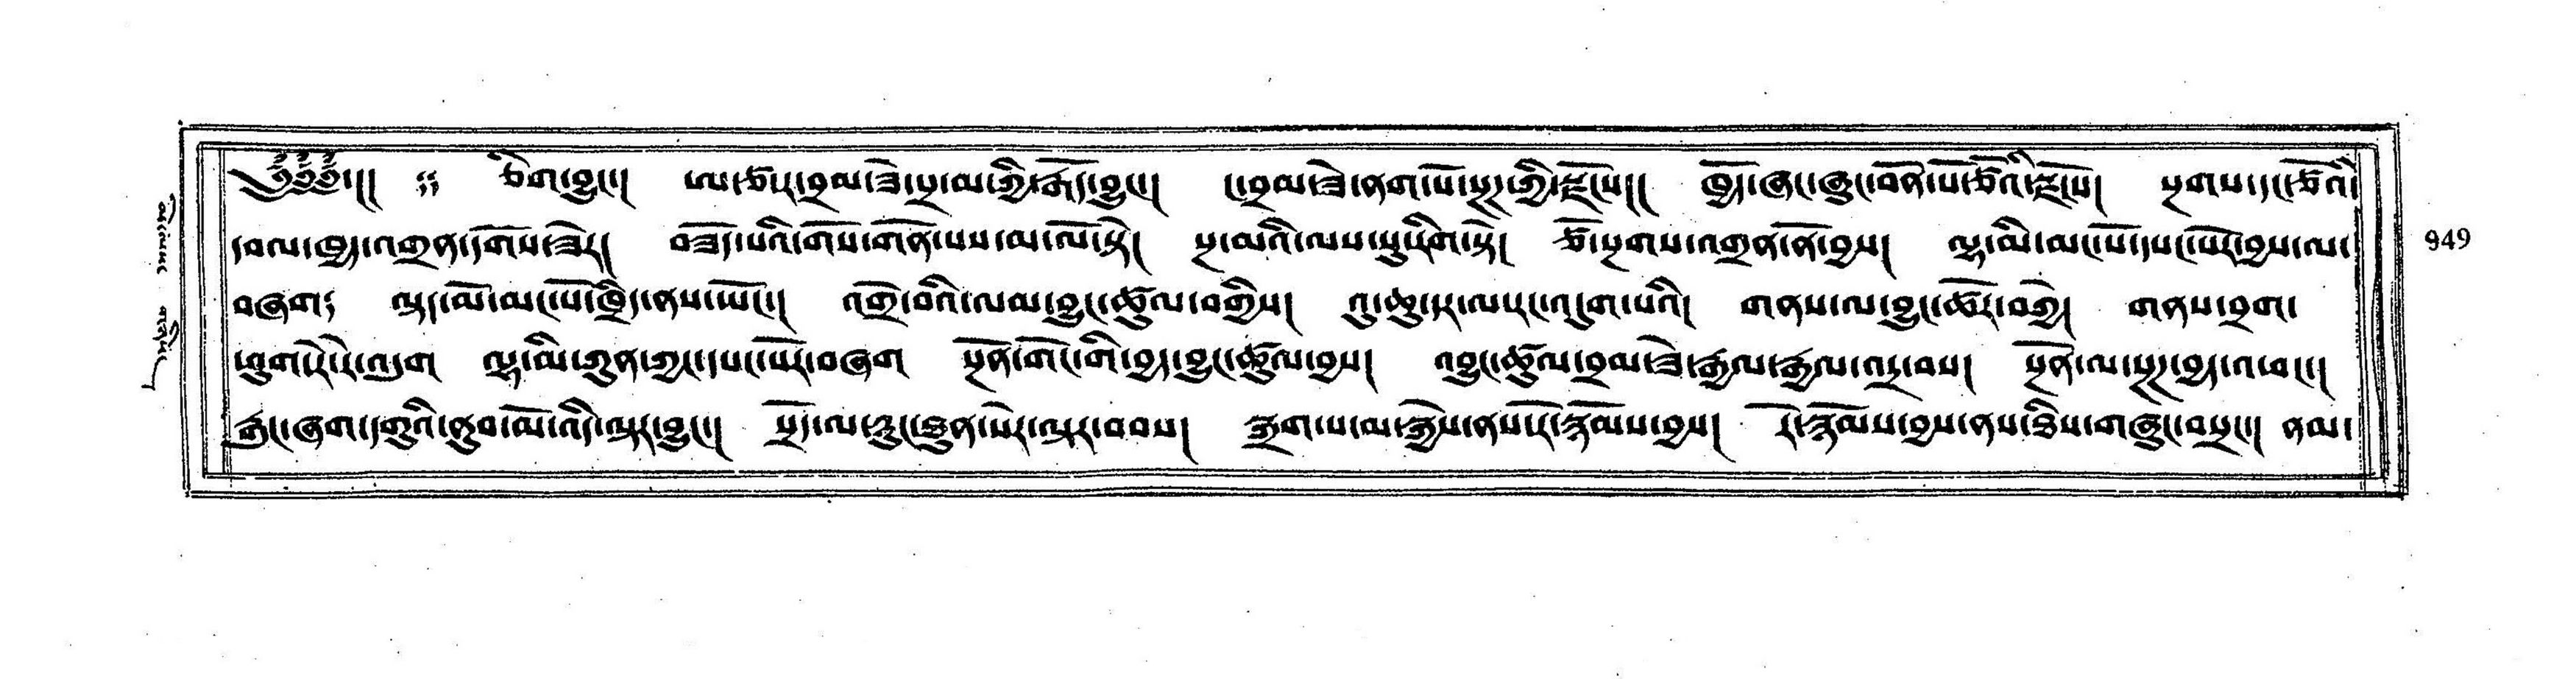ཅིག་བྱུང་། ཨ་ཙ་ར་བྲམ་ཟེ་པྲ་མ་ཀྱི་རྒོད་བྱུང་། ང་བྲལ་ཟེ་ནག་པོ་སྔགས་ཀྱི་རྫོངས།། ཁྱོད་ཞང་ཞུང་བོན་པོ་ཙོའི་རྫོངས། སྔགས་དང་ཙོའི་
དབལ་ཁྱད་འགྲན་དགོས་ཟེར། བཟོད་པའི་གོས་གོན་པས་མ་ལོ་སྟེ། སྔ་མའི་ལས་སུ་རིག་སྟེ། ཙོ་སྔགས་འགྲན་ནོ་བྱས། ལྷ་མི་མང་པོ་དབང་པོར་བྱས་ལ་
བཞག ལྟད་མོ་མང་པོ་ཁྲིད་ནས་ཡོང་། འགྲོ་བའི་ལམ་བྱུང་ཚུལ་བགྱིས། འུ་ཆུ་དར་ལ་རང་འདུག་པའི། གནས་ལ་བྱུང་ཚོར་བཀྱེ། གནས་བྲག་
ཕུག་རེ་རེ་འདུག ལྷ་མི་ཀུན་ཀྱང་དཔང་པོར་བཞག སྔོན་གོང་གི་བྱད་བྱུང་ཚུལ་བྱས། འབྱུང་ཚུལ་བྲམ་ཟེ་རྒྱལ་རྒྱལ་འདྲ་བས། སྔོན་ལ་སྔགས་བྱད་འཕང་།
རྒུང་ཞག་དགུའི་ནུབ་མོ་འདི་ལྟར་བྱུང་། སྲོད་ལ་ཉུང་ཐུན་སེར་ལྟར་བབས། སྐྲག་པ་མ་སྐྱེས་ནས་རོ་སྙོམས་བྱས། རོ་སྙོམས་བྱས་ནས་ཐིས་གཞུང་བསྲང་། ནམ་